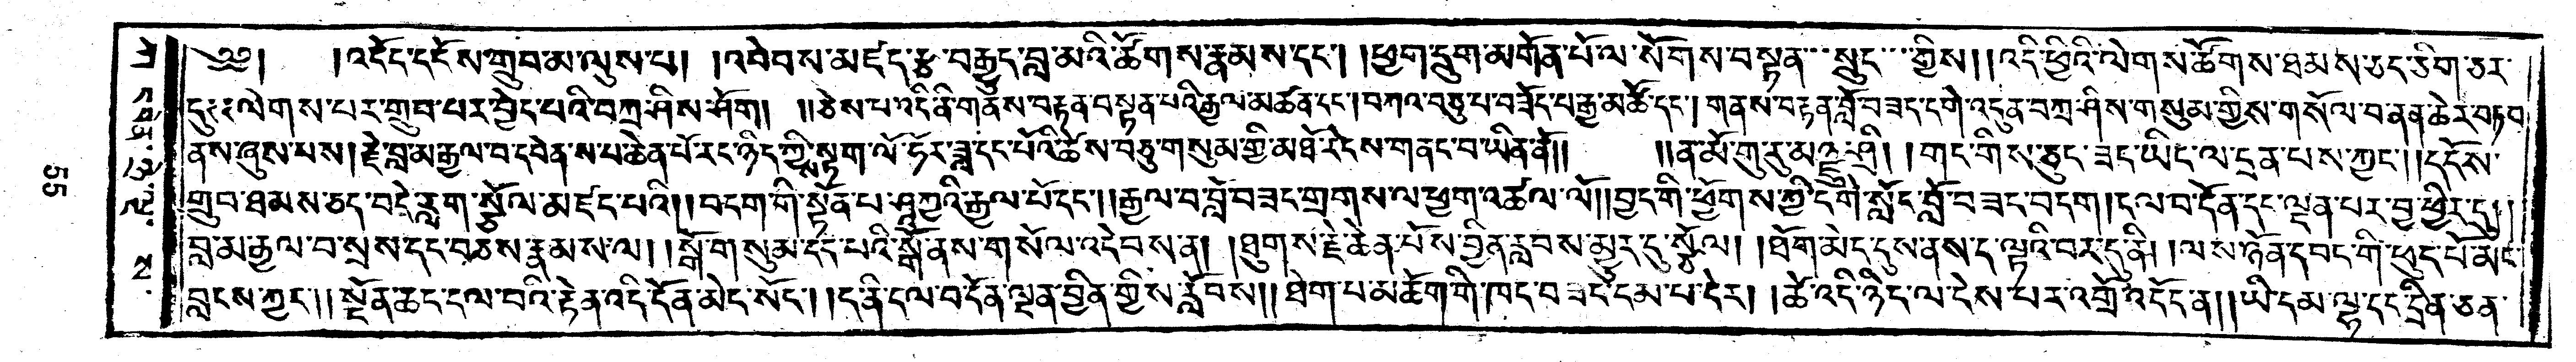༄༅། །འདོད་དངོས་གྲུབ་མ་ལུས་པ། །འབེབས་མཛད་རྩ་བརྒྱུད་བླ་མའི་ཚོགས་རྣམས་དང་། །ཕྱག་དྲུག་མགོན་པོ་ལ་སོགས་བསྟན་སྲུང་གྱིས། །འདི་ཕྱིའི་ལེགས་ཚོགས་ཐམས་ཅད་ཅིག་ཅར་
དུ༑ ༑ལེགས་པར་གྲུབ་པར་བྱེད་པའི་བཀྲ་ཤིས་ཤོག། །།ཅེས་པ་འདི་ནི་གནས་བརྟན་བསྟན་པའི་རྒྱལ་མཚན་དང་། བཀའ་བཅུ་པ་བཟོད་པ་རྒྱ་མཚོ་དང་། གནས་བརྟན་བློ་བཟང་དགེ་འདུན་བཀྲ་ཤིས་གསུམ་གྱིས་གསོལ་བ་ནན་ཆེར་བཏབ་
ནས་ཞུས་པས། རྗེ་བླ་མ་རྒྱལ་བ་དབེན་ས་པ་ཆེན་པོ་རང་ཉིད་ཀྱིས་སྟག་ལོ་ཧོར་ཟླ་དང་པོའི་ཚེས་བཅུ་གསུམ་གྱི་མཐོ་རེངས་གནང་བ་ཡིན་ནོ།། །།ན་མོ་གུ་རུ་མཉྫུ་ཤྲི། །གང་གིས་ཅུང་ཟད་ཡིད་ལ་དྲན་པས་ཀྱང་། །དངོས་
གྲུབ་ཐམས་ཅད་བདེ་རླག་སྩོལ་མཛད་པའི། །བདག་གི་སྟོན་པ་ཤཱཀྱའི་རྒྱལ་པོ་དང་། །རྒྱལ་བ་བློ་བཟང་གྲགས་ལ་ཕྱག་འཚལ་ལོ། །བྱང་གི་ཕྱོགས་ཀྱི་དགེ་སློང་བློ་བཟང་བདག །དལ་བ་དོན་དང་ལྡན་པར་བྱ་ཕྱིར་དུ། །
བླ་མ་རྒྱལ་བ་སྲས་དང་བཅས་རྣམས་ལ། །སྒོ་གསུམ་དད་པའི་སྒོ་ནས་གསོལ་འདེབས་ན། །ཐུགས་རྗེ་ཆེན་པོས་བྱིན་རླབས་མྱུར་དུ་སྩོལ། །ཐོག་མེད་དུས་ནས་ད་ལྟའི་བར་དུ་ནི། །ལས་ཉོན་དབང་གི་ཕུང་པོ་མང་
བླངས་ཀྱང་། །སྔོན་ཆད་དལ་བའི་རྟེན་འདི་དོན་མེད་སོང་། །ད་ནི་དལ་བ་དོན་ལྡན་བྱིན་གྱིས་རློབས། །ཐེག་པ་མཆོག་གི་ཁད་བཟང་དམ་པ་དེར། །ཚེ་འདི་ཉིད་ལ་ངེས་པར་འགྲོ་འདོད་ན། །ཡི་དམ་ལྷ་དང་དྲིན་ཅན་